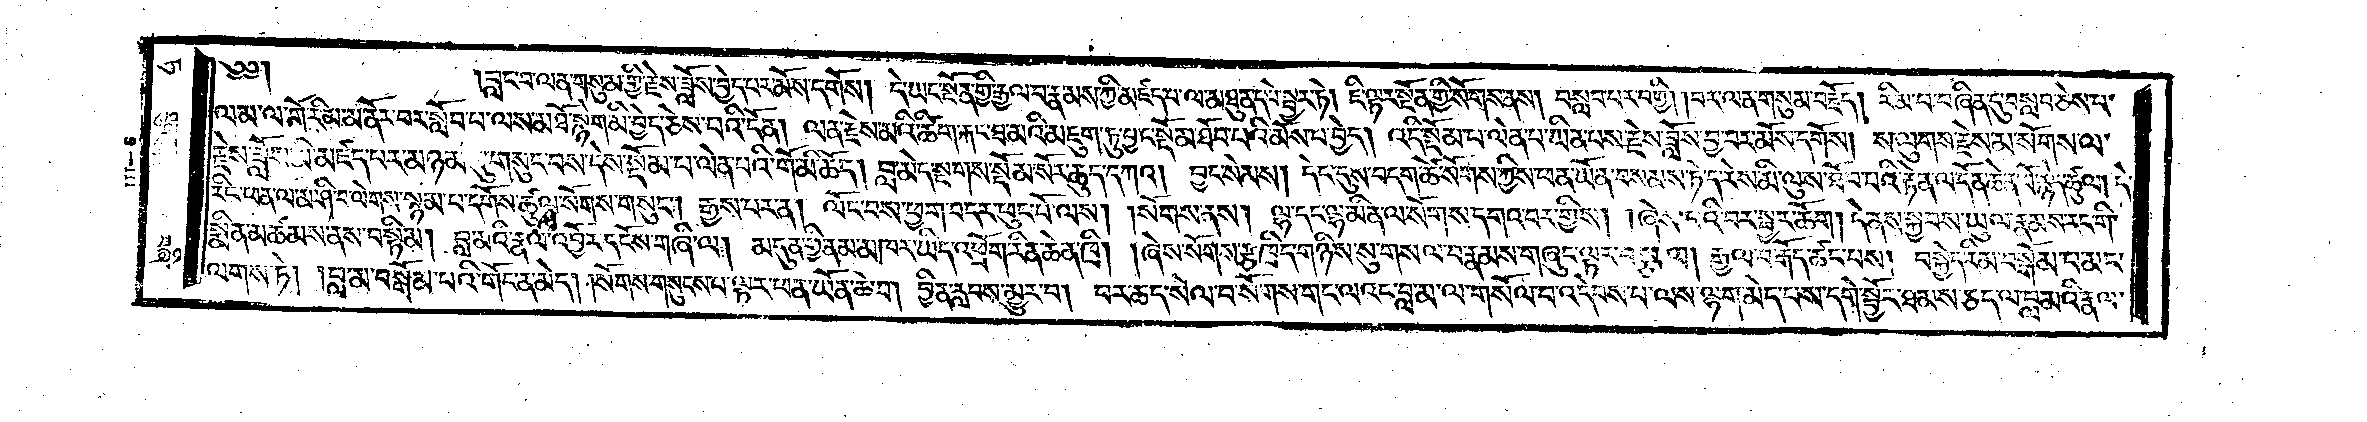༄༅། །བླང་བ་ལན་གསུམ་གྱི་རྗེས་ཟློས་བྱེད་པར་མོས་དགོས། དེ་ཡང་སྔོན་གྱི་རྒྱལ་བ་རྣམས་ཀྱི་མཛད་པ་ལ་མཐུན་དཔེ་སྦྱར་ཏེ། ཇི་ལྟར་སྔོན་གྱི་སོགས་ནས། བསླབ་པར་བགྱི། །བར་ལན་གསུམ་བརྗོད། རིམ་པ་བཞིན་དུ་བསླབ་ཅེས་པ་
ལམ་ལ་གོ་རིམ་མ་ནོར་བར་སློབ་པ་ལས་མཐོ་སྙེག་མི་བྱེད་ཅེས་པའི་དོན། ལན་རྗེས་མའི་ཚིག་རྐང་ཐ་མའི་མཇུག་ཏུ་བྱང་སྡོམ་ཐོབ་པའི་མོས་པ་བྱེད། འདི་སྡོམ་པ་ལེན་པ་ཡིན་པས་རྗེས་ཟློས་བྱ་བར་མོས་དགོས། ས་ལུགས་རྗེས་མ་སོགས་ལ་
རྗེ་ཟློས་མི་མཛད་པར་མཉམ་དུ་གསུངས་བས་དེས་སྡོམ་པ་ལེན་པའི་གོ་མི་ཆོད། བླ་མེད་སྔགས་སྡོམ་སོར་ཆུད་དཀའ། བྱང་སེམས། དེང་དུས་བདག་ཚེ་སོགས་ཀྱིས་ཕན་ཡོན་བསམས་ཏེ་ད་རེས་མི་ལུས་ཐོབ་པའི་རྟེན་ལ་དོན་ཆེན་པོ་རྙེད་ཚུལ། དེ་
རིང་ཕན་ལ་མ་ཤི་བ་ལེགས་སྙམ་པ་དགོས་ཚུལ་སོགས་གསུང་། རྒྱས་པར་ན། ལོང་བས་ཕྱག་བདར་ཕུང་པོ་ལས། །སོགས་ནས། ལྷ་དང་ལྷ་མིན་ལ་སོགས་དགའ་བར་གྱིས། །ཞེས་པའི་བར་སྦྱར་ཆོག །དེ་ནས་སྐྱབས་ཡུལ་རྣམས་རང་གི་
སྨིན་མཚམས་ནས་བསྟིམ། བླ་མའི་རྣལ་འབྱོར་དངོས་གཞི་ལ། མདུན་གྱི་ནམ་མཁར་ཡིད་འཕྲོག་རིན་ཆེན་ཁྲི། །ཞེས་སོགས་རྩ་ཁྲིད་གཉིས་སུ་གསལ་བ་རྣམས་གཞུང་ལྟར་བསྩལ། རྒྱལ་བ་རྒོད་ཚང་པས། བསྐྱེད་རིམ་བསྒོམ་པ་མང་
ལགས་ཏེ། །བླ་མ་བསྒོམ་པའི་གོང་ན་མེད། །སོགས་གསུངས་པ་ལྟར་ཕན་ཡོན་ཆེ་བ། བྱིན་རླབས་མྱུར་བ། བར་ཆད་སེལ་བ་སོགས་གང་ལའང་བླ་མ་ལ་གསོལ་བ་འདེབས་པ་ལས་ལྷག་མེད་པས་དགེ་སྦྱོར་ཐམས་ཅད་ལ་བླ་མའི་རྣལ་